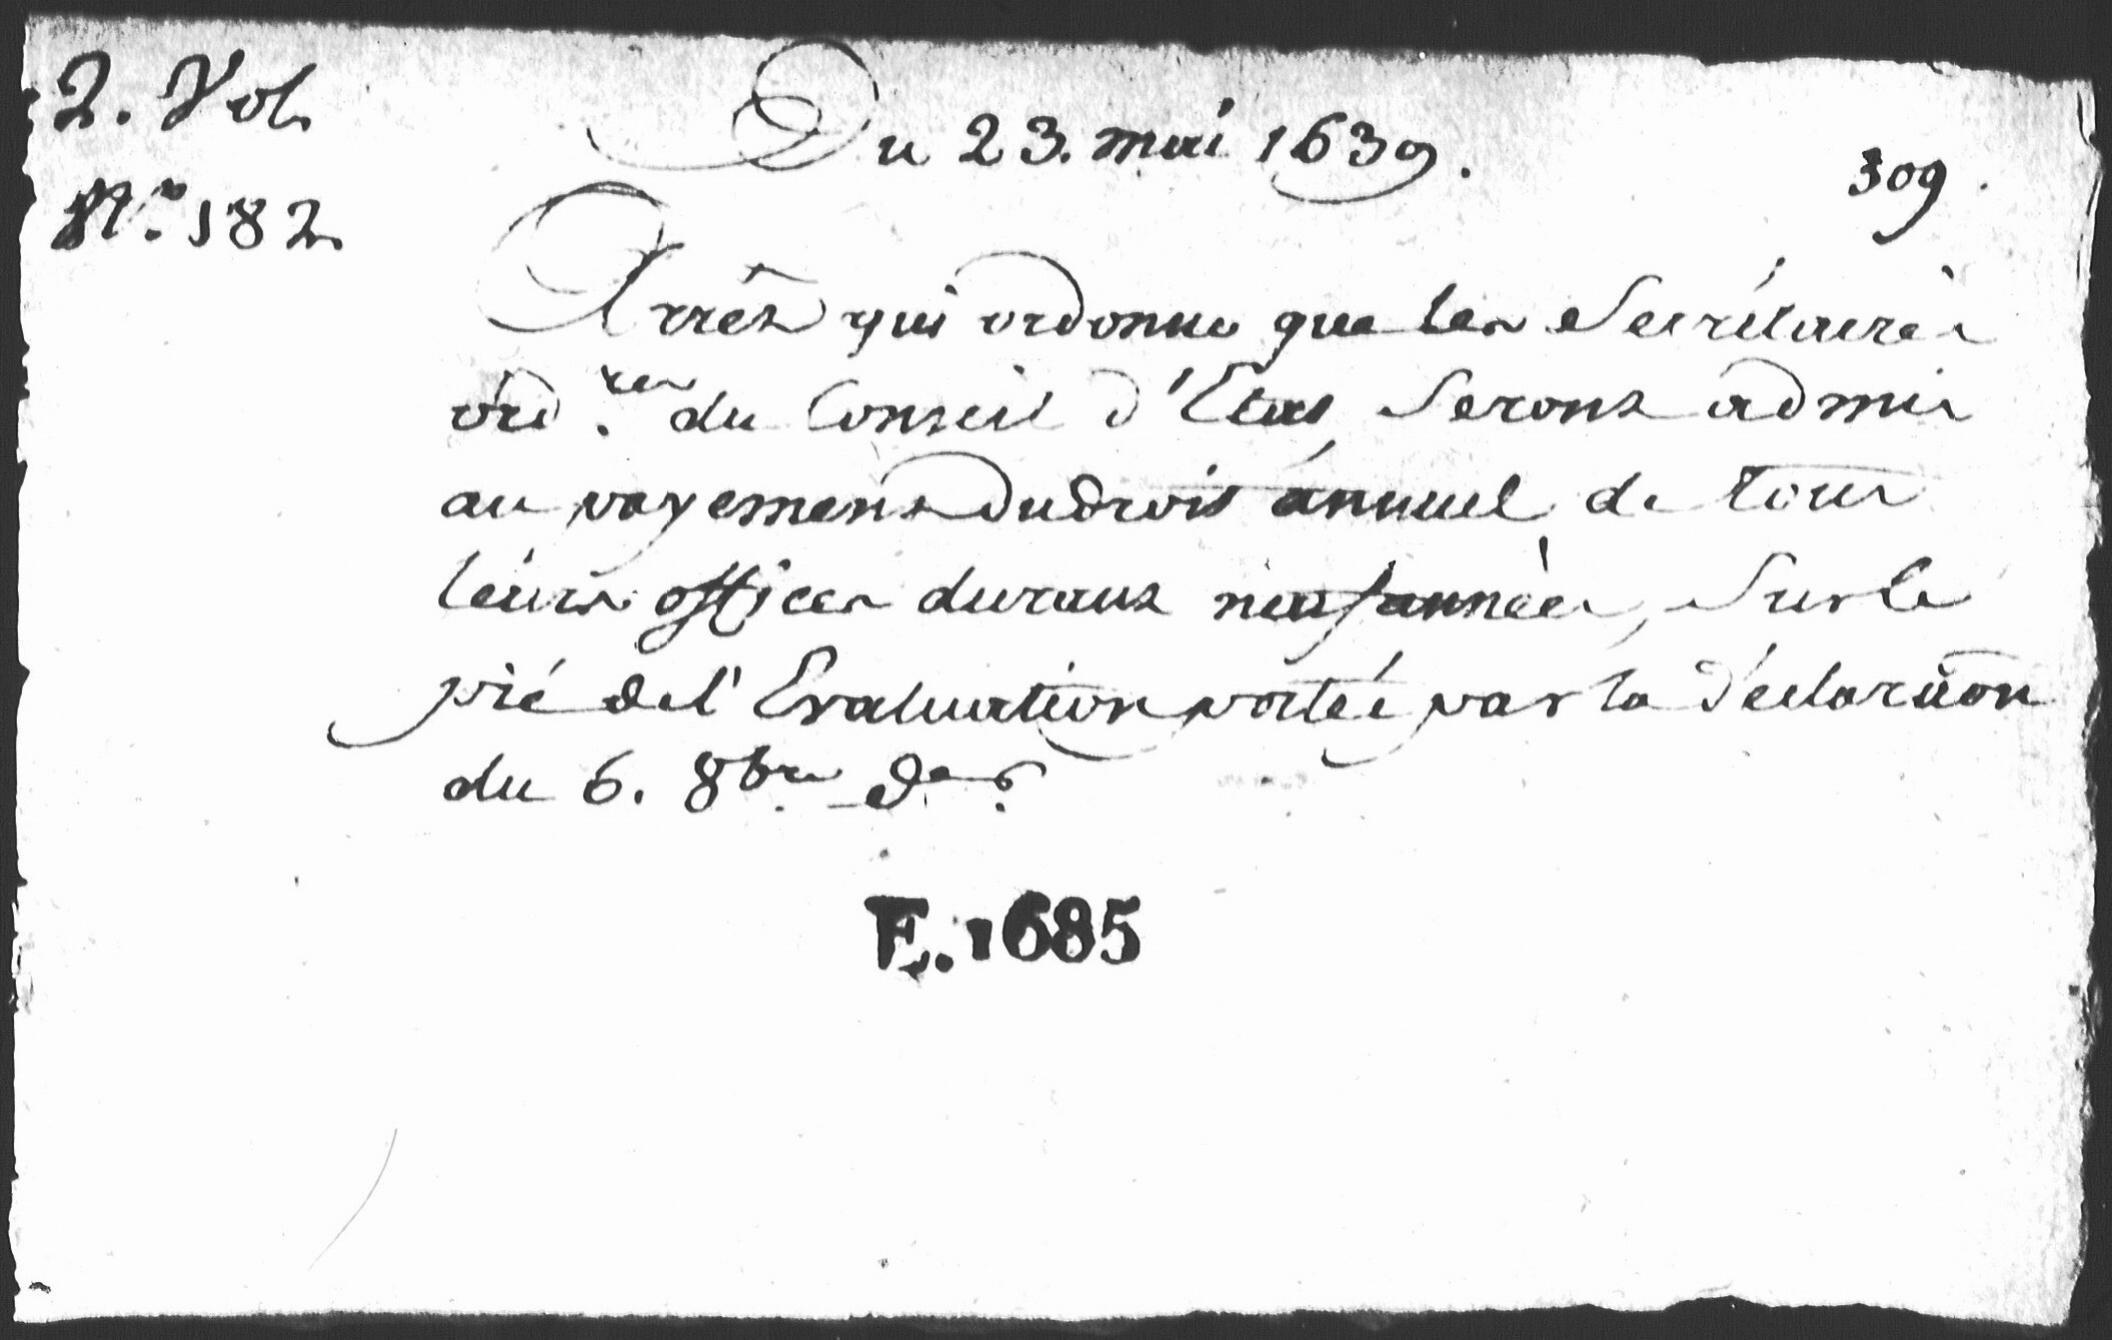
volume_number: n°182
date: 23 mai 1639
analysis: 309
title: Arrêt qui ordonne que les secrétaires ord.res du Conseil d'Etat , seront admis au payement du droit annuel de tous leurs offices durant neuf années, sur le pié de l'evaluation portée par la déclaration du 6. 8.bre d.er.
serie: E
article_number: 1685
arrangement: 2. vol.
